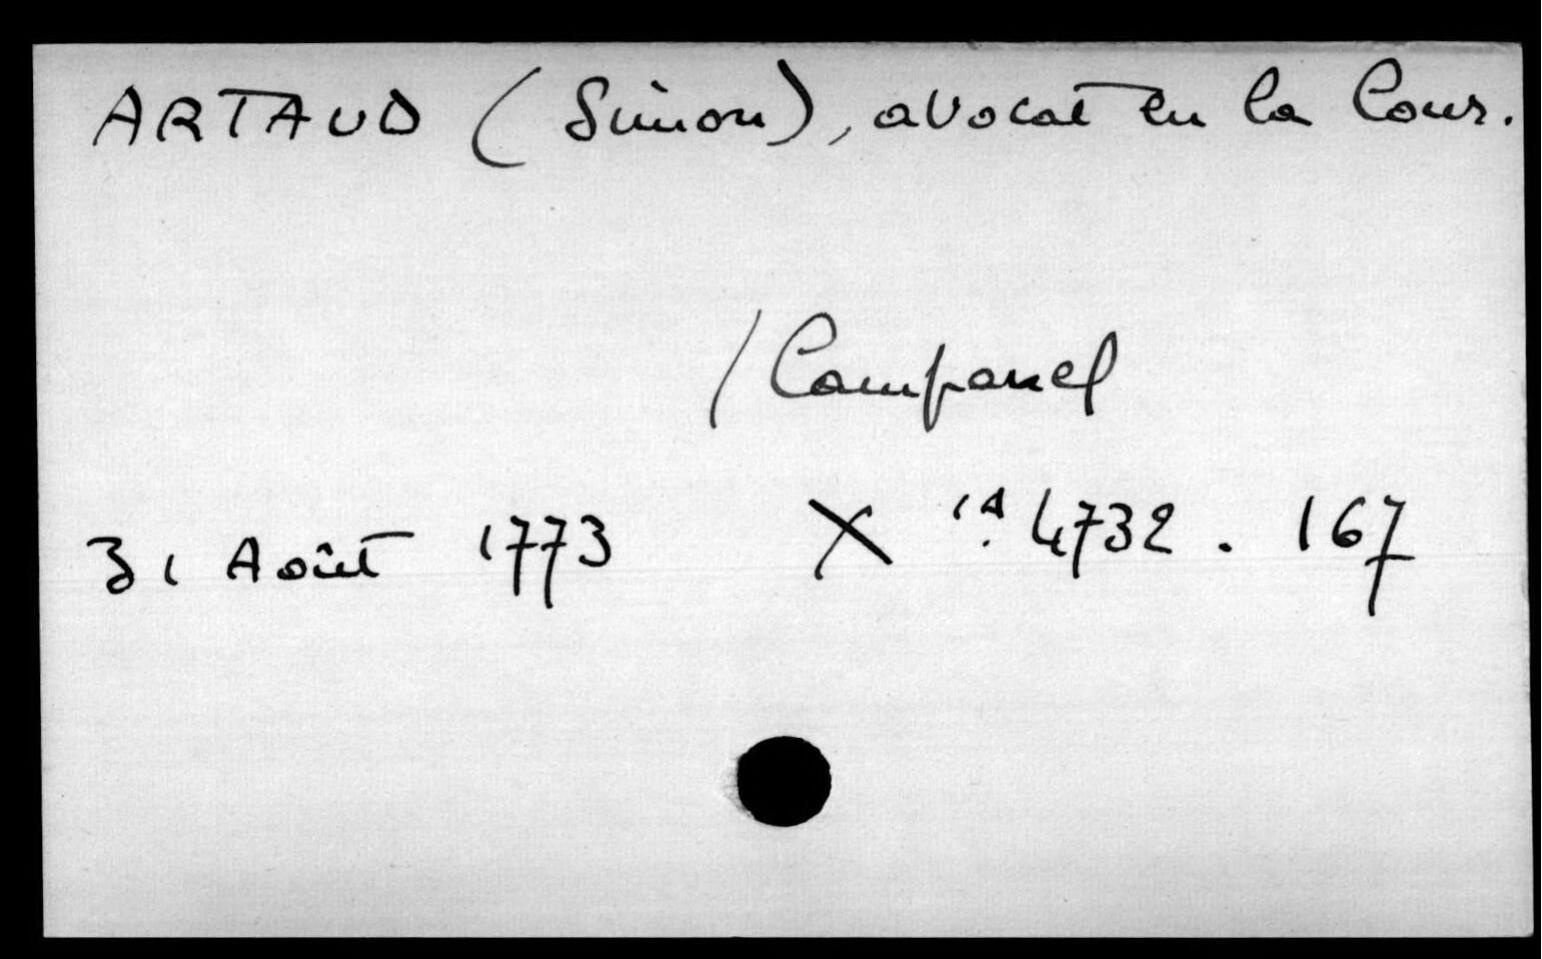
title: ARTAUD (Simon), avocat en la Cour.
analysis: Contre Campanel
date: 31 août 1773
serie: X1A
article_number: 4732
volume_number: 167
